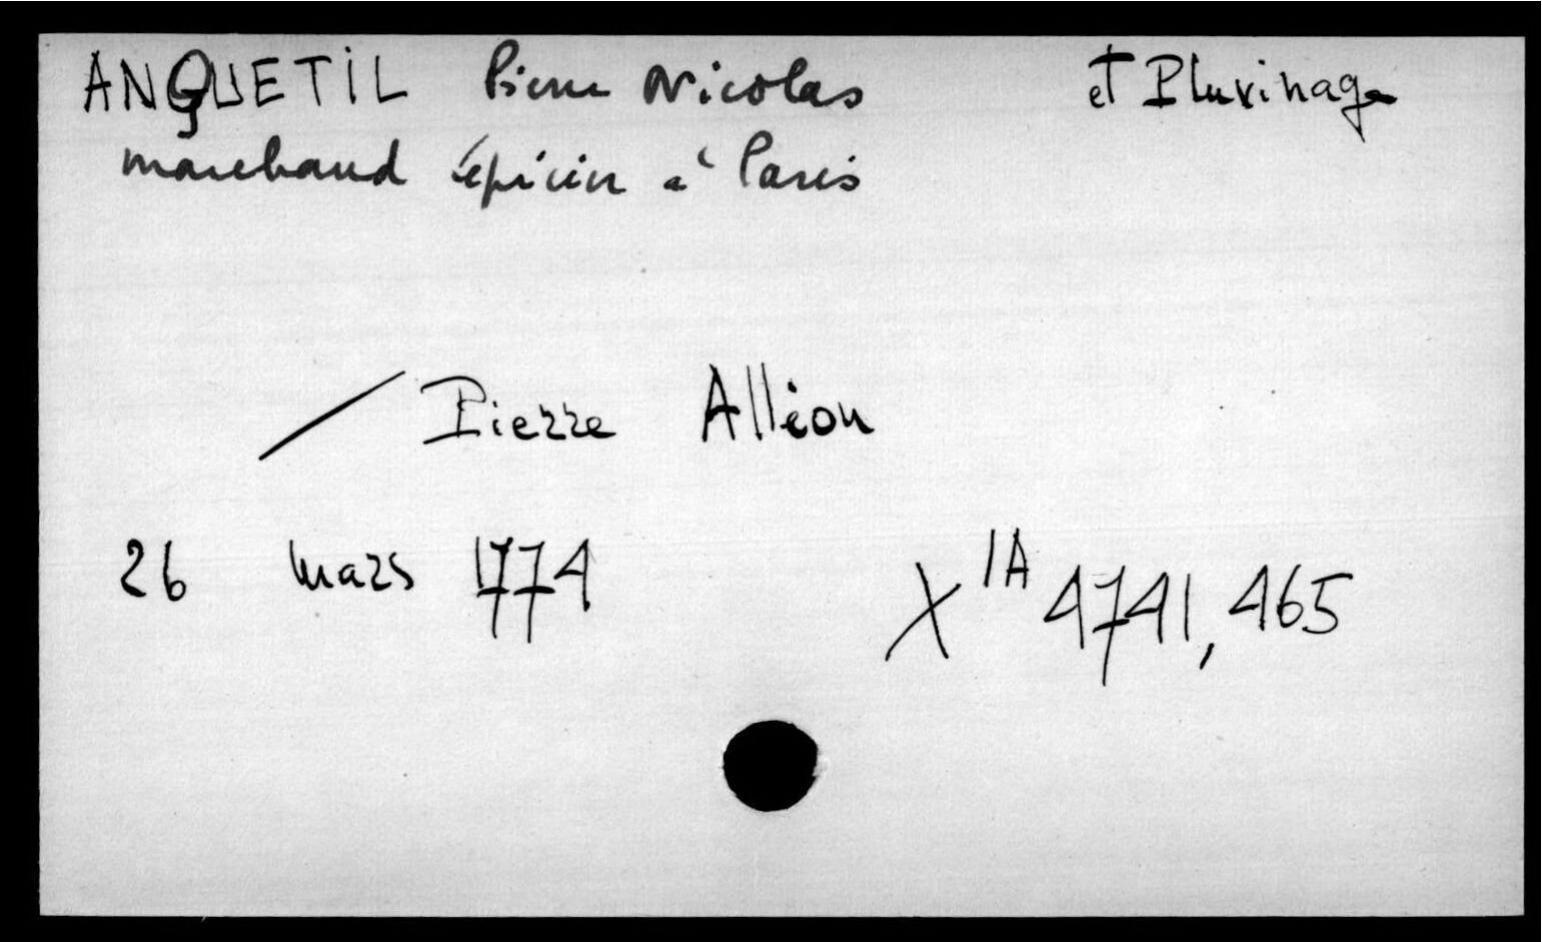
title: ANQUETIL Pierre Nicolas et pluvinage marchand épicier à Paris
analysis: Contre Pierre Alléon
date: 26 mars 1774
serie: X1A
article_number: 4741
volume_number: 465
